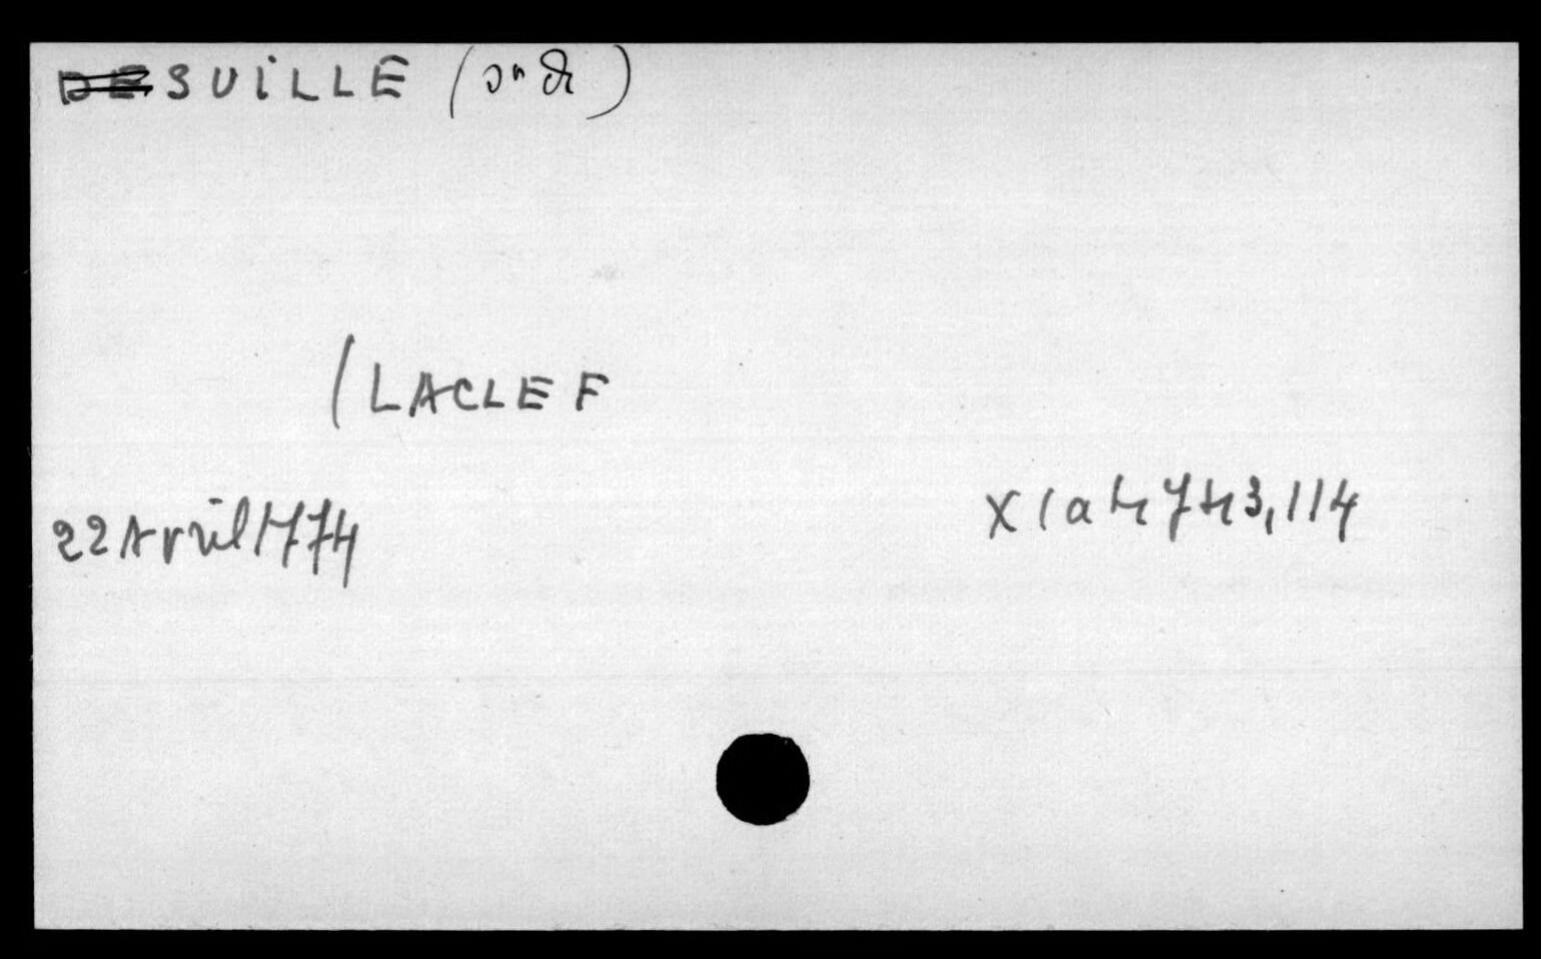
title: SUILLE (sieur de)
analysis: Contre LACLEF
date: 22 avril 1774
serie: X1a
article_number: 4743
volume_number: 114
